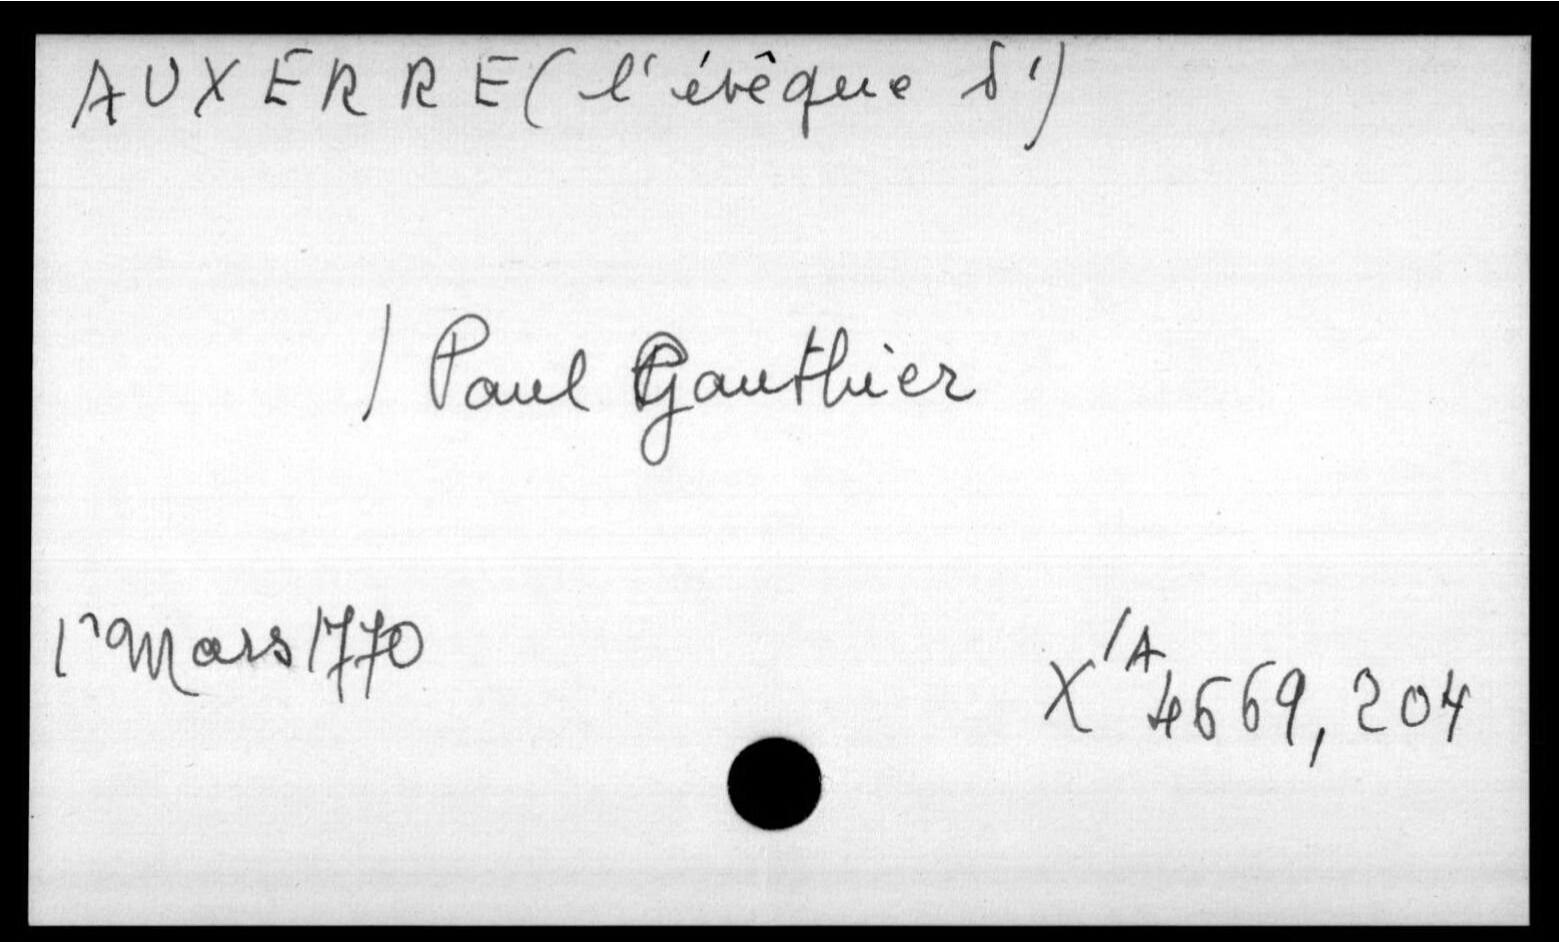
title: AUXERRE (l'évêque d')
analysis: Contre Paul Gauthier
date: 1 mars 1770
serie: X1A
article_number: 4669
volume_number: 204
